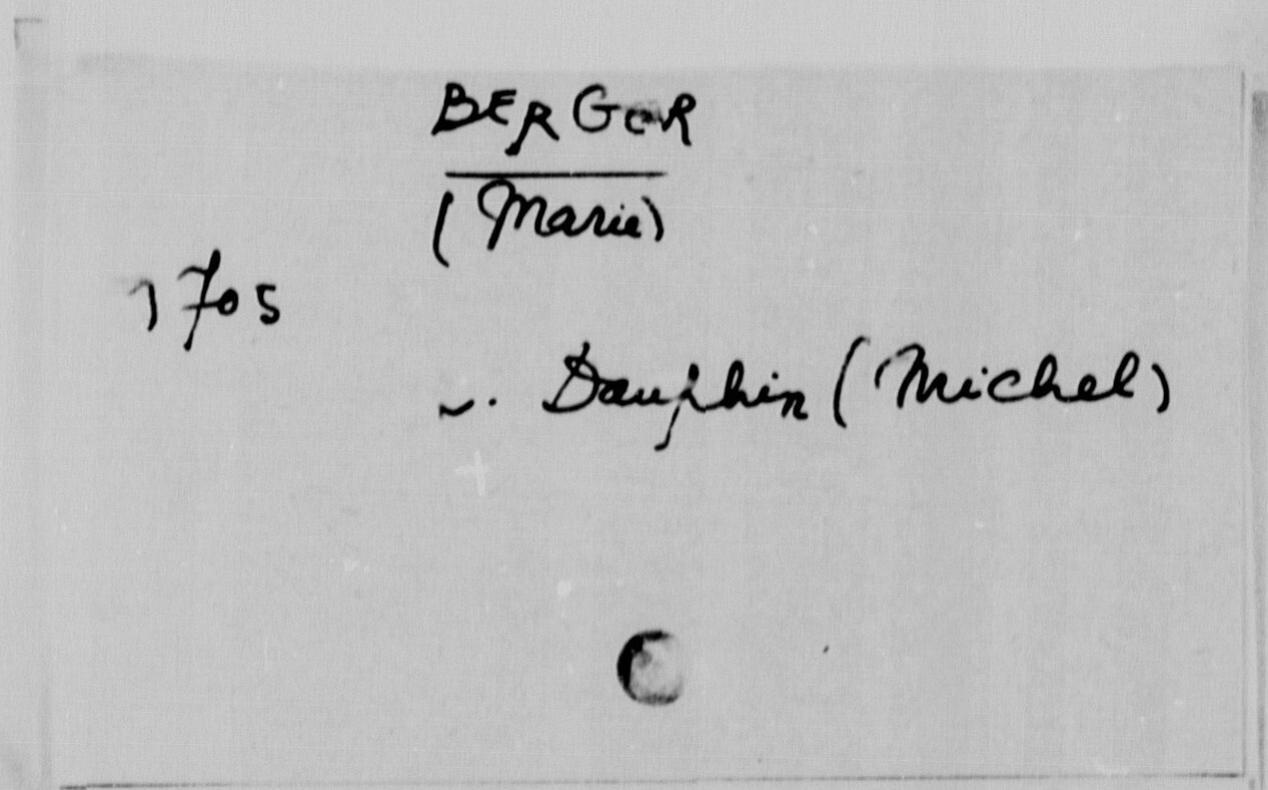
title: BERGER (Marie)
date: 1705
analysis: Voir : DAUPHIN (Michel)
